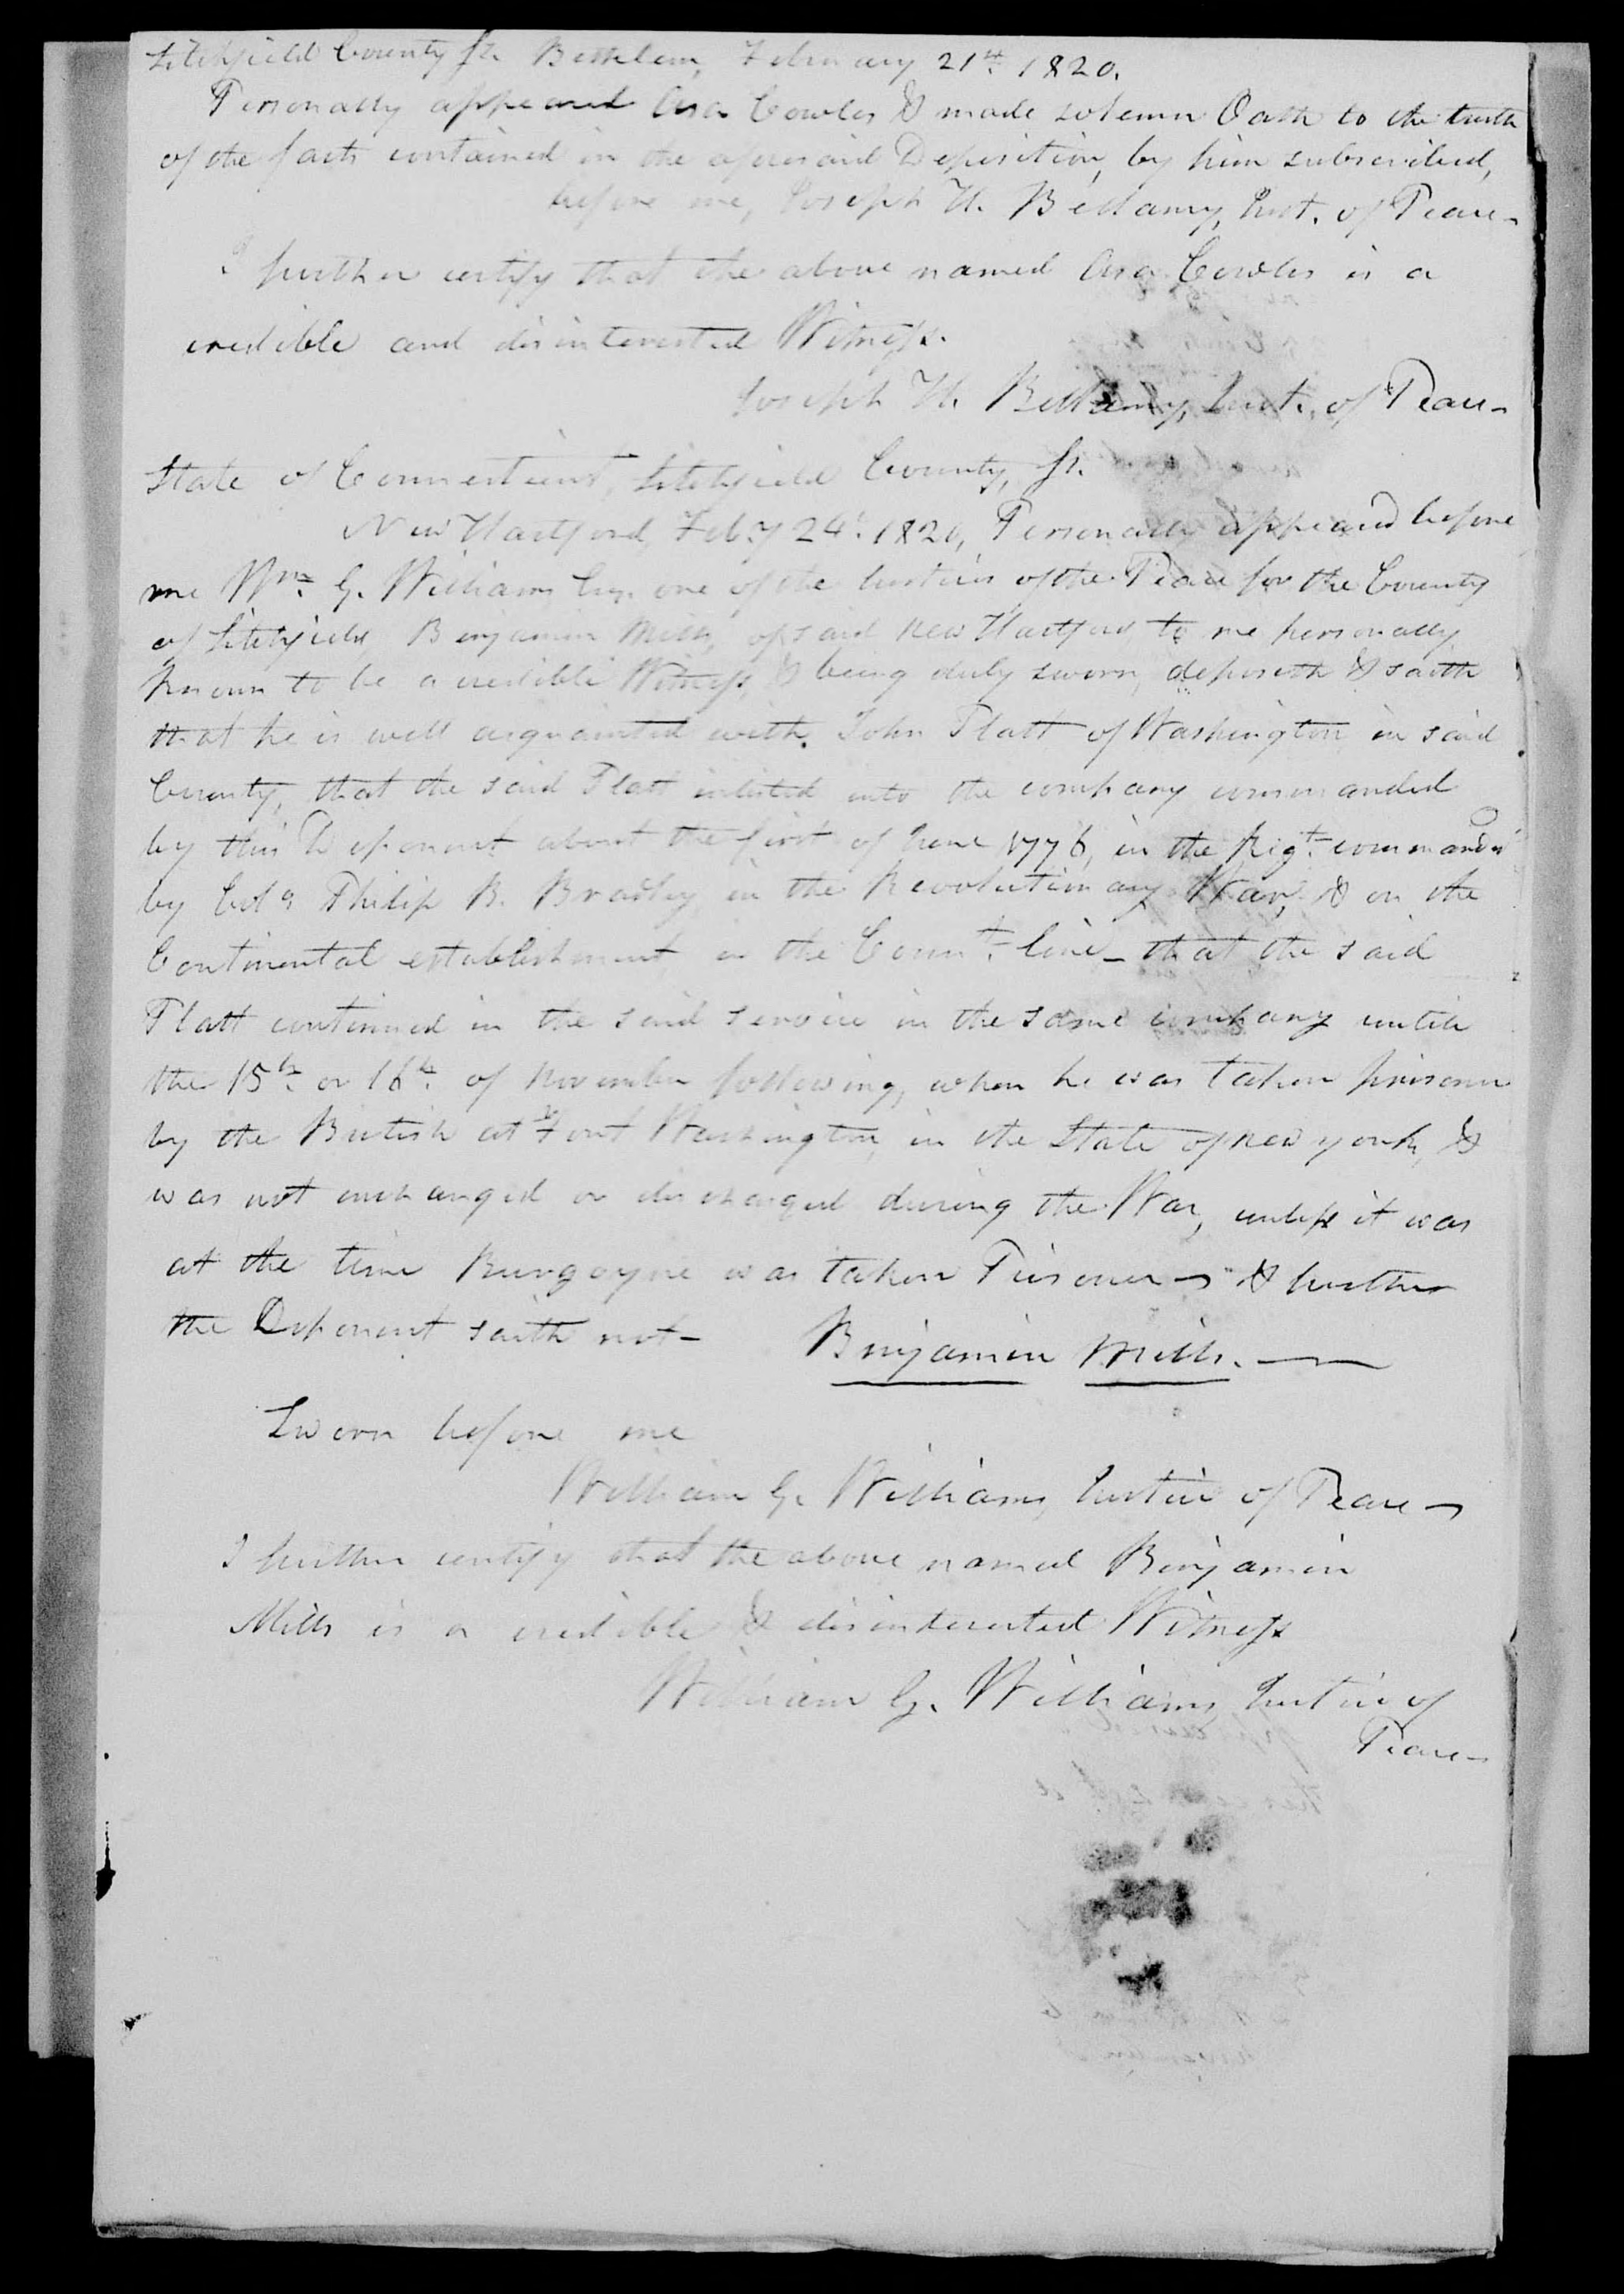Litchfield County Ss Bethlem February 21st 1820
Personally appeared Asa Cowles & made solemn Oath to the truth
of the facts contained in the aforesaid Deposition by him subscribed,
before me, Joseph H Bellamy, Just of Peace
I further certify that the above named Asa Cowles is a
credible and disinterested witness
Joseph W Bellamy Just of Peace
State of Connecticut Litchfield County, Ss
New Hartford Feby 24 1820, personally appeared before
me Wm G. Williams by one of the Justices of the Peace for the County
of Litchfield Benjamin Mills of said New Hartford to me personally
know to be a credible Witness & being duly sworn deposeth & saith
that he is well acquainted with John Platt of Washington in said
County, that the said Platt inlisted into the company commanded
by this deponent about the first of June 1776, in the Regt command
by Col Philip B. Bradley in the Revolutionary War, & on the
Continental establishment in the Connt line -  that the said
Platt continued in the said service in the same company until
the 15th or 16th of November following, when he was taken prisoner
by the British at Fort Washington in the State of New York &
was not unchanged or discharged during the War, unless it was
at the time Burgoyne was taken prisoner - & further
the Deponent saith not-
Benjamin Mills -
Sworn before me
William G. Williams Justice of Peace -
I further certify that the above named Benjamin
Mills is a credible & disinterested witness
William G. Williams Justice of
Peace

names: Joseph H Bellamy; Asa Cowles; Philip B Bradley; Wm G Williams; John Platt; Benjamin Mills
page: 6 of 12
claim: survivor's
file: S. 36,233, for John Platt, Connecticut